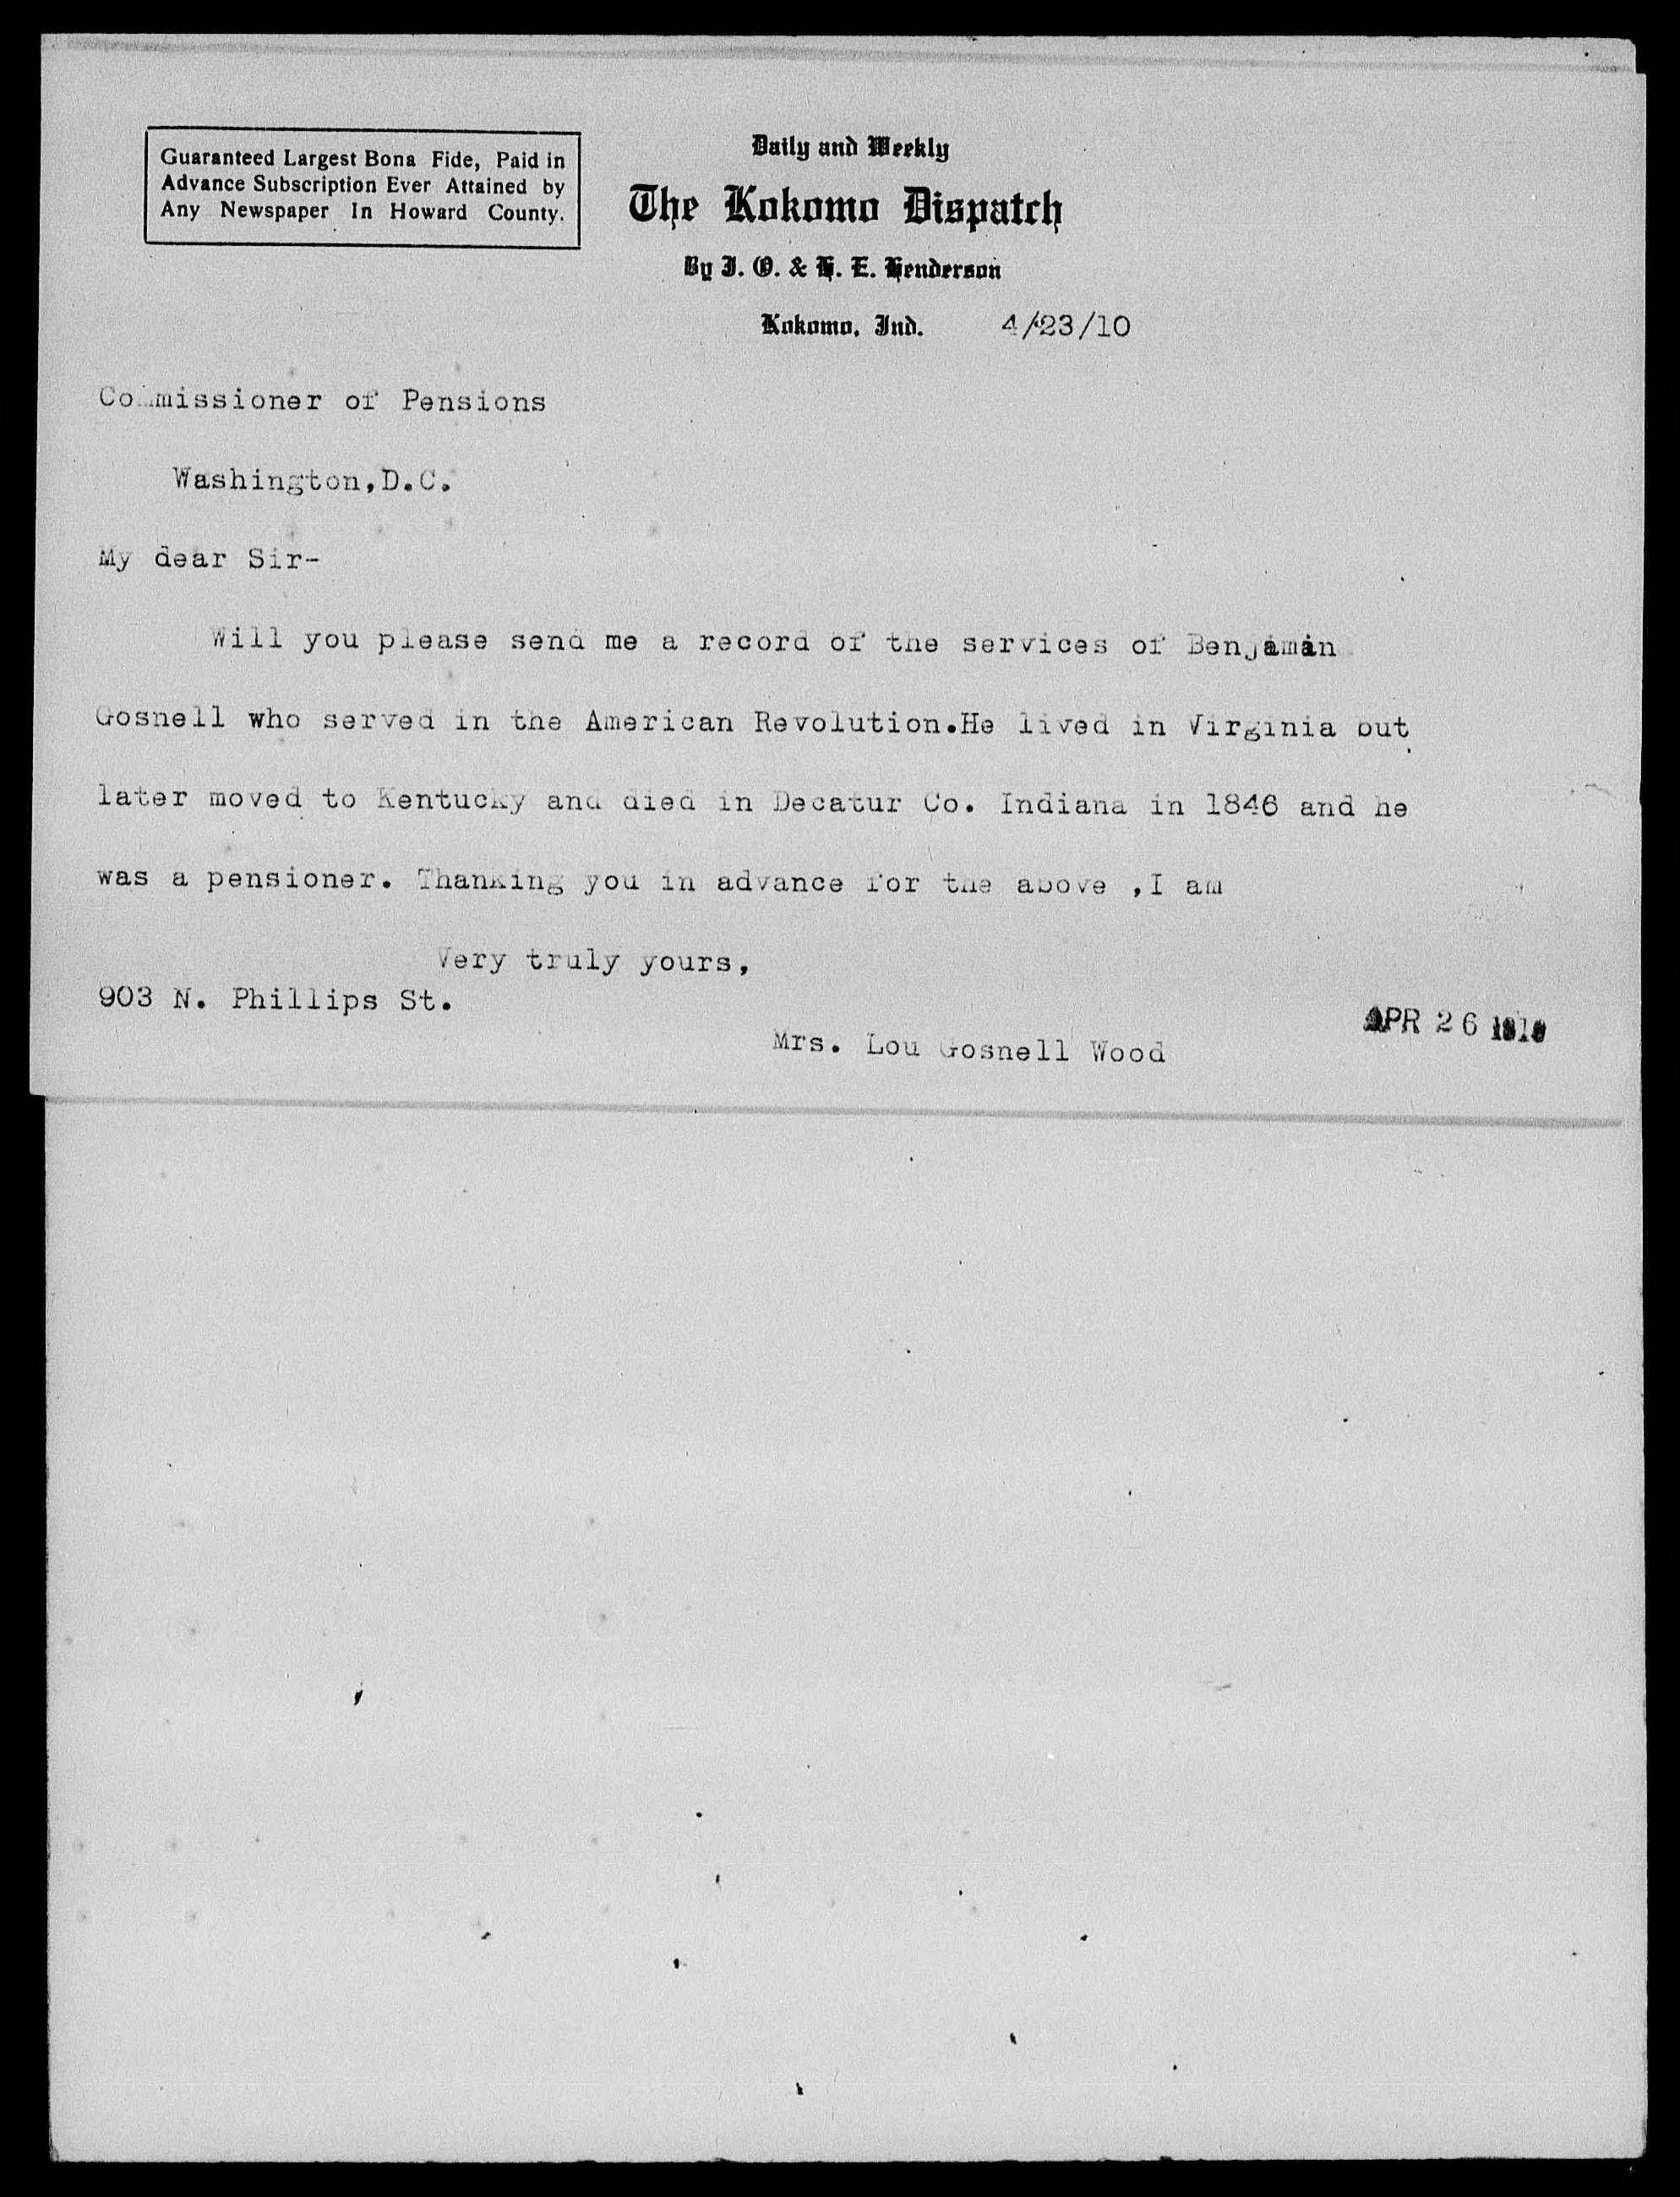[title block; top left; print]
Guaranteed Largest Bona Fide, Paid in Advance Subscription Ever Attained by Any Newspaper in Howard County.

[letterhead; print]
Daily and Weekly
The Kokomo Dispatch
by J. W. & E. Henderson
Kokomo, Ind.

[main body; type]
4/23/10
Commissioner of Pensions
Washington,D.C.
my dear Sir-
Will you please send me a record of the services of Benjamin Gosnell who served in the American Revolution.He lived in Virginia but later moved to Kentucky and died in Decatur Co. Indiana in 1846 and he was a pensioner. Thanking you in advance for the above, I am
Very truly yours,
Mrs. Lou Gosnell Wood

903 N. Phillips St. [at left of name]

APR 26 1910 [stamped ink to right of name]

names: Benjamin Gosnell, Lou Gosnell Wood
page: 20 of 39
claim: widow's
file: W. 11060, Benjamin Gosnell, Va.